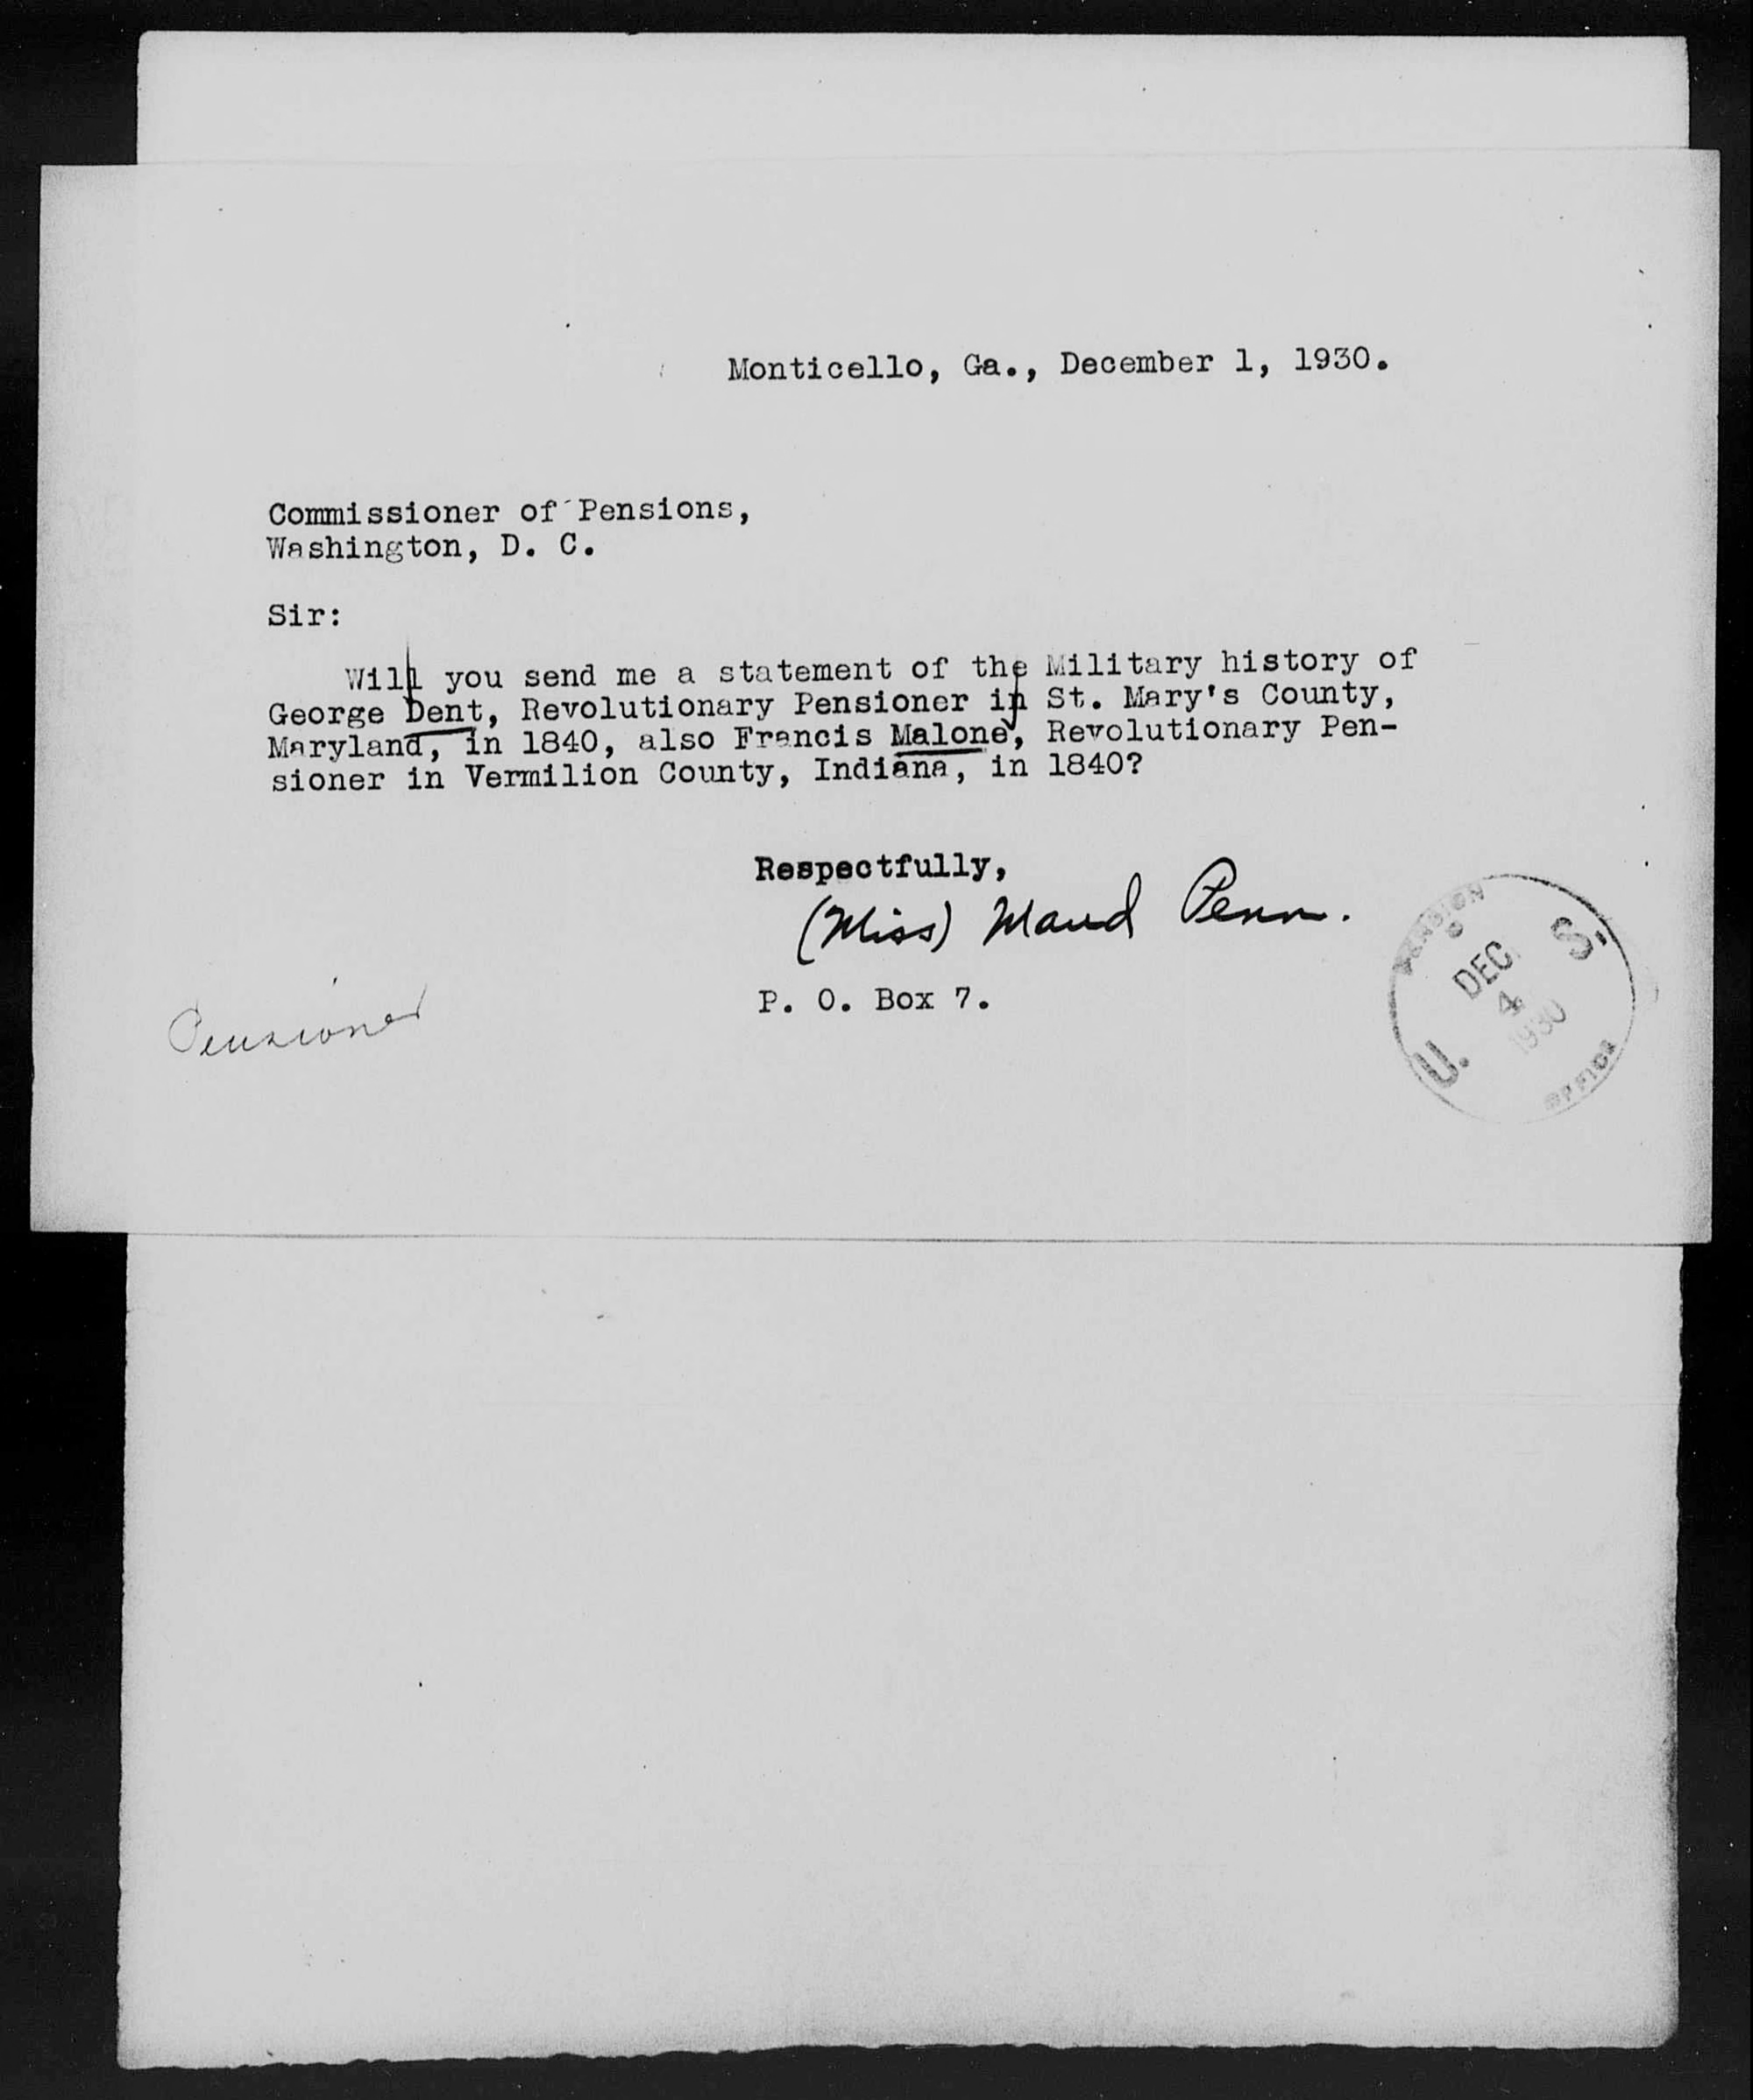Commissioner of Pensions,
Washington, D. C.
Sir:
Will you send me a statement of the Military history of George Den, Revolutionary Pensioner in St. Mary's County, Maryland, in 1840, also Francis Malone, Revolutionary Pensioner in Vermilion County, Indiana, in 1840?
Respectfully,
(Miss) Maud Penn
P. O. Box 7

Stamp : U.S. Pension Office DEC 4 1930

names: George Dent, Francis Malone, Maud Penn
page: 30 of 49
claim: survivor's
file: S. 12755, George Dent, Md.